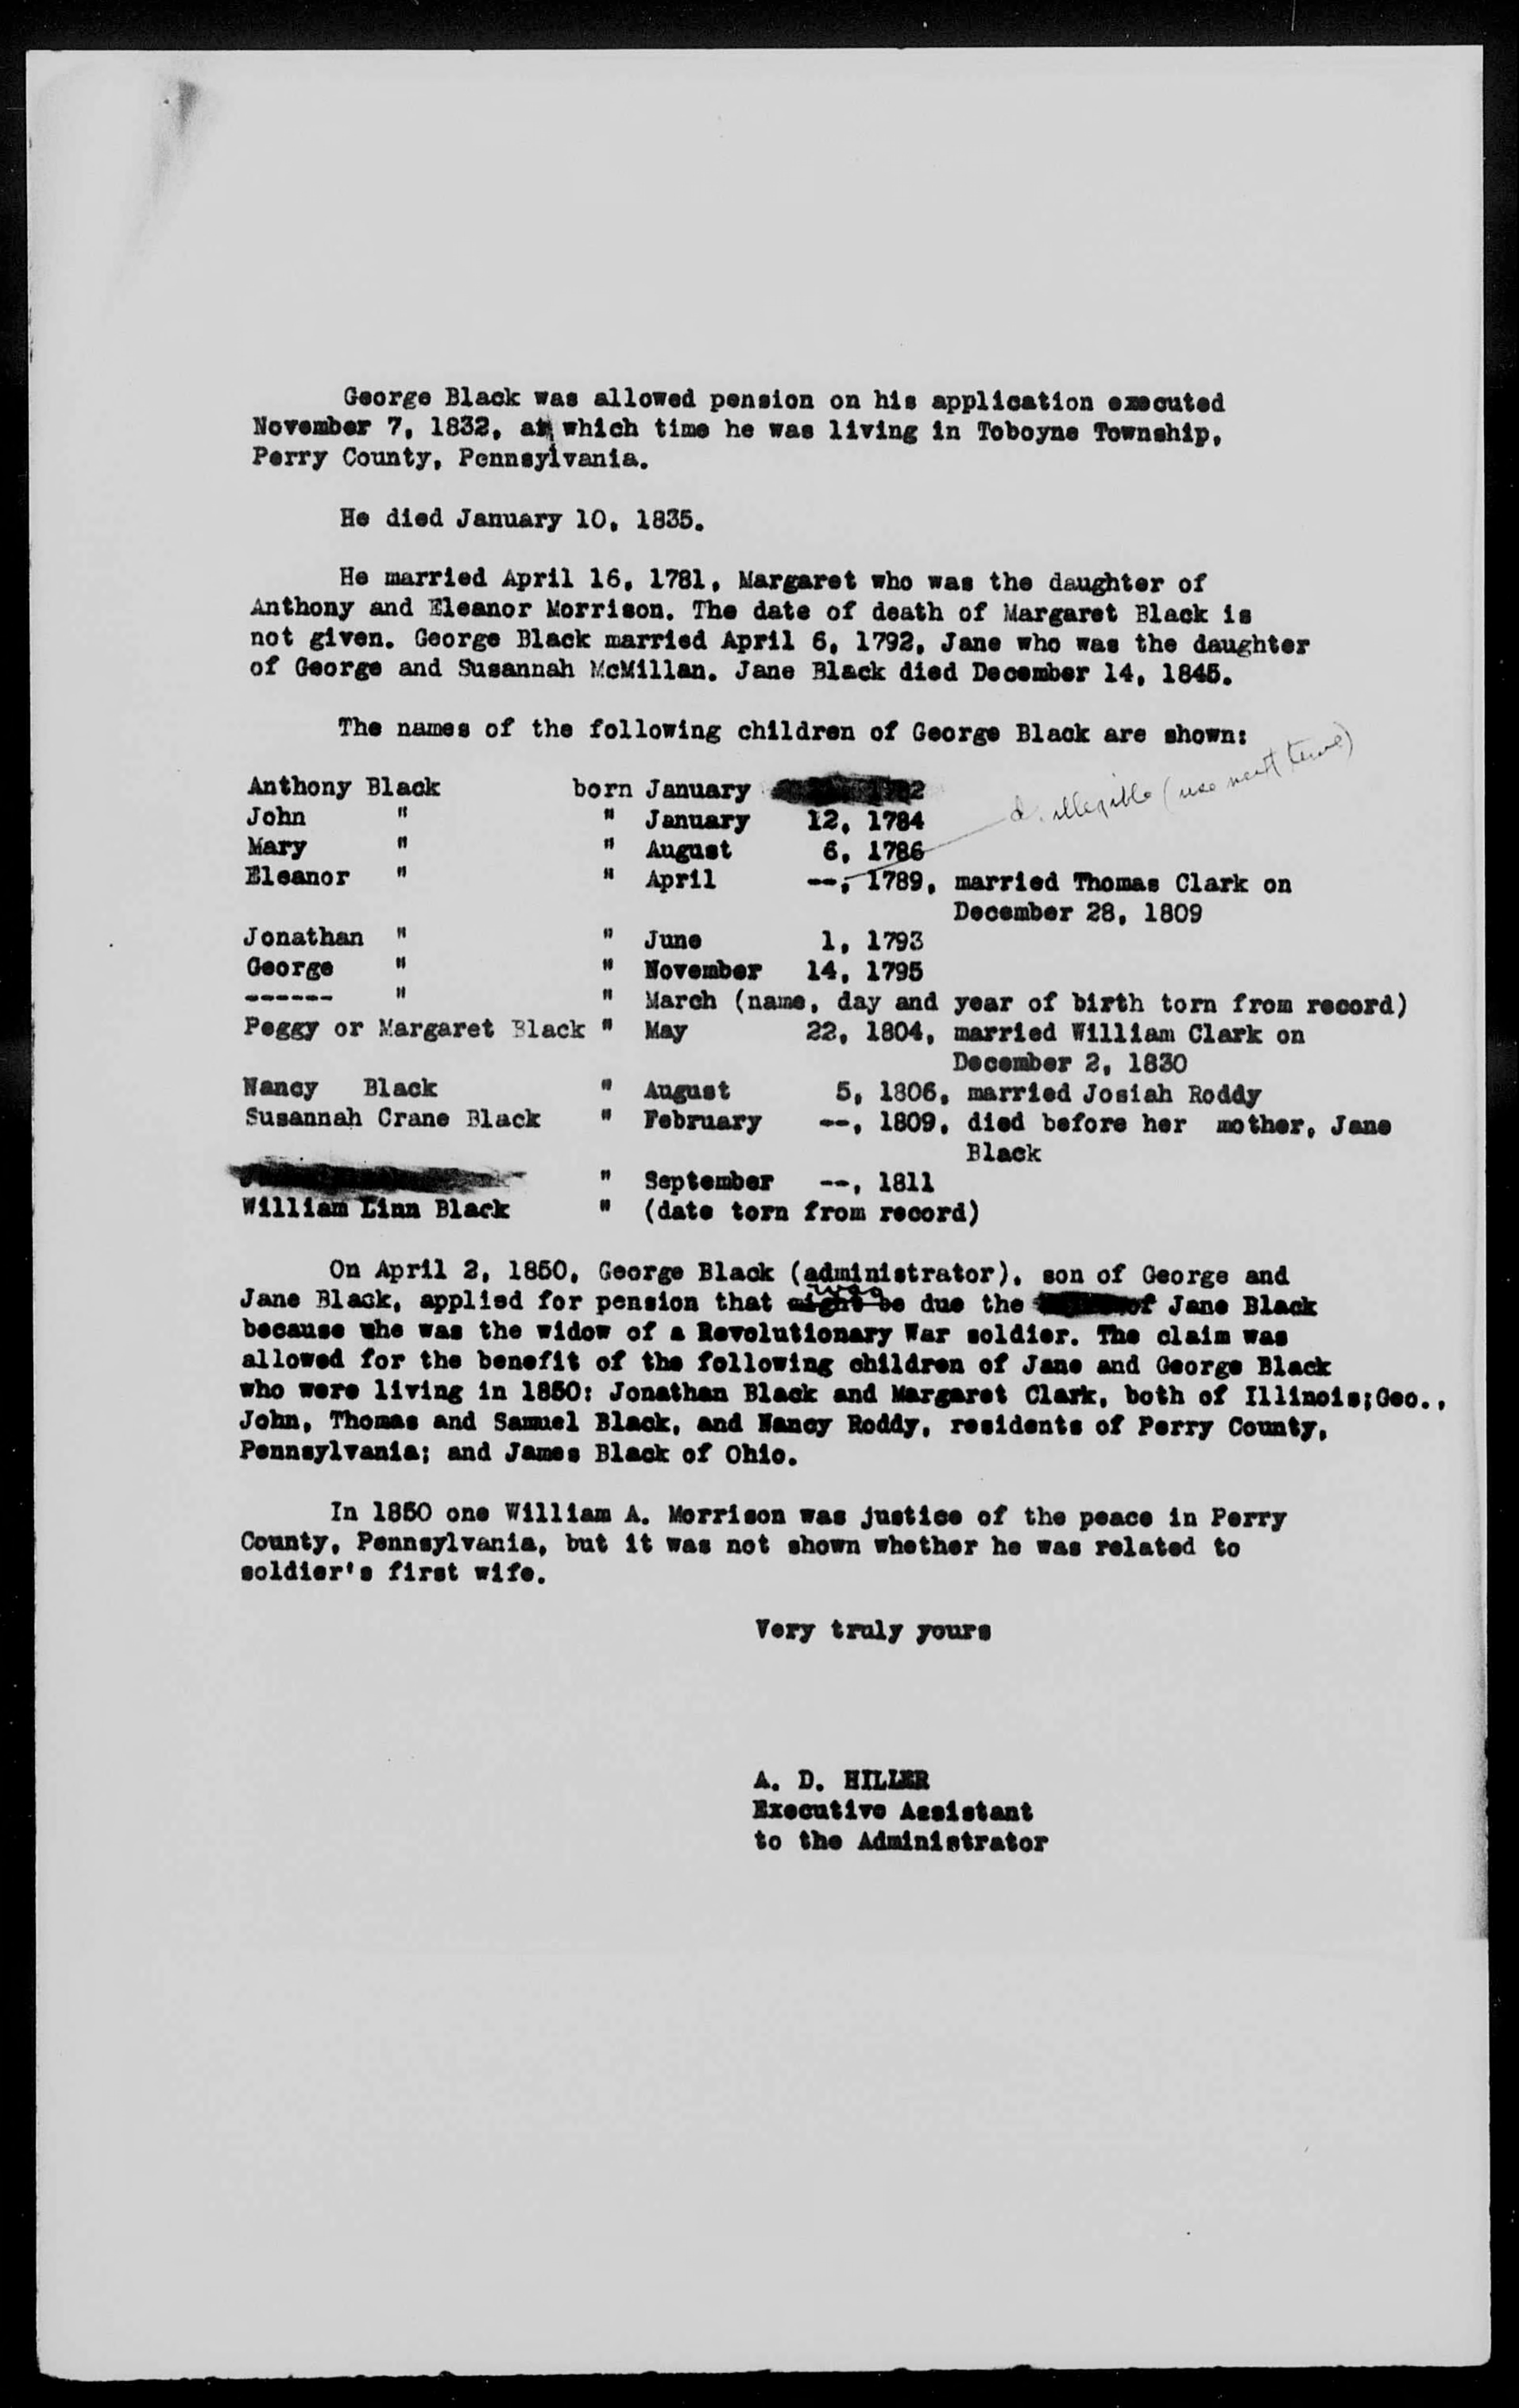George Black was allowed pension on his application executed November 7, 1832, at which time he was living in Toboyne township, Perry County, Pennsylvania.

He died January 10, 1835.

He married April 16, 1781, Margaret who was the daughter of Anthony and Eleanor Morrison.  The date of death of Margaret Black is not given.  George Black married April 6, 1792, Jane who was the daughter of George and Susannah McMillan.  Jane Black died December 14, 1845.

The names of the following children of George Black are shown:

Anthony Black  born January [crossed out]
John          "       "     January 12, 1784
Mary          "       "     August   6,  1786
Eleanor      "        "     April  --,    1789, married 
Thomas Clark on December 28, 1809

Jonathan   "         "    June       1,  1793
George      "         "    November 14, 1795
-------       "         "    March (name, day and year of birth torn from record)

Peggy or Margaret Black May 22, 1804, married William Clark on December 2, 1830
Nancy Black "       "   August  5, 1806, married Josiah Roddy
Susannah Crane Black " February --, 1809, died before her mother, Jane Black
[name crossed out]     " September --, 1811
William Linn Black    " (date torn from record)

   On April 2, 1850, George Black (administrator), son of George and Jane Black, applied for pension that was [might be is crossed out] due the [crossed out] Jane Black because she was the widow of a Revolutionary War soldier.  The claim was allowed for the benefit of the following children of Jane and George Black who were living in 1850: Jonathan Black and Margaret Clark, both of Illinois; Geo., John, Thomas and Samuel Black, and Nancy Roddy, residents of Perry County, Pennsylvania; and James Black of Ohio.

     In 1850 one William A. Morrison was justice of the peace in Perry County, Pennsylvania, but it was not shown whether he was related to soldier's first wife.

                  Very truly yours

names: Black, George Black, William Clark, George Black, Eleanor Morrison, Jane Black, Susannah Mc Millan, John Black, John Black, Margaret Black, Mary Black, Thomas Clark, George Mc Millan, Jane Black, Peggy Black, Nancy Black, Jane Black, Margaret Clark, George Black, Geo Black, George Black, William A Morrison, George Black, Samuel Black, Anthony, A D Hiller, Anthony Black, Margaret Black, George Black, Jane Black, Jane Black, Susannah Crane Black, Jonathan Black, George Black, Nancy Roddy, Eleanor Black, William Linn Black, Jonathan Black, Thomas Black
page: 21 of 30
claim: widow's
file: W. 3211, George Black, Penn.